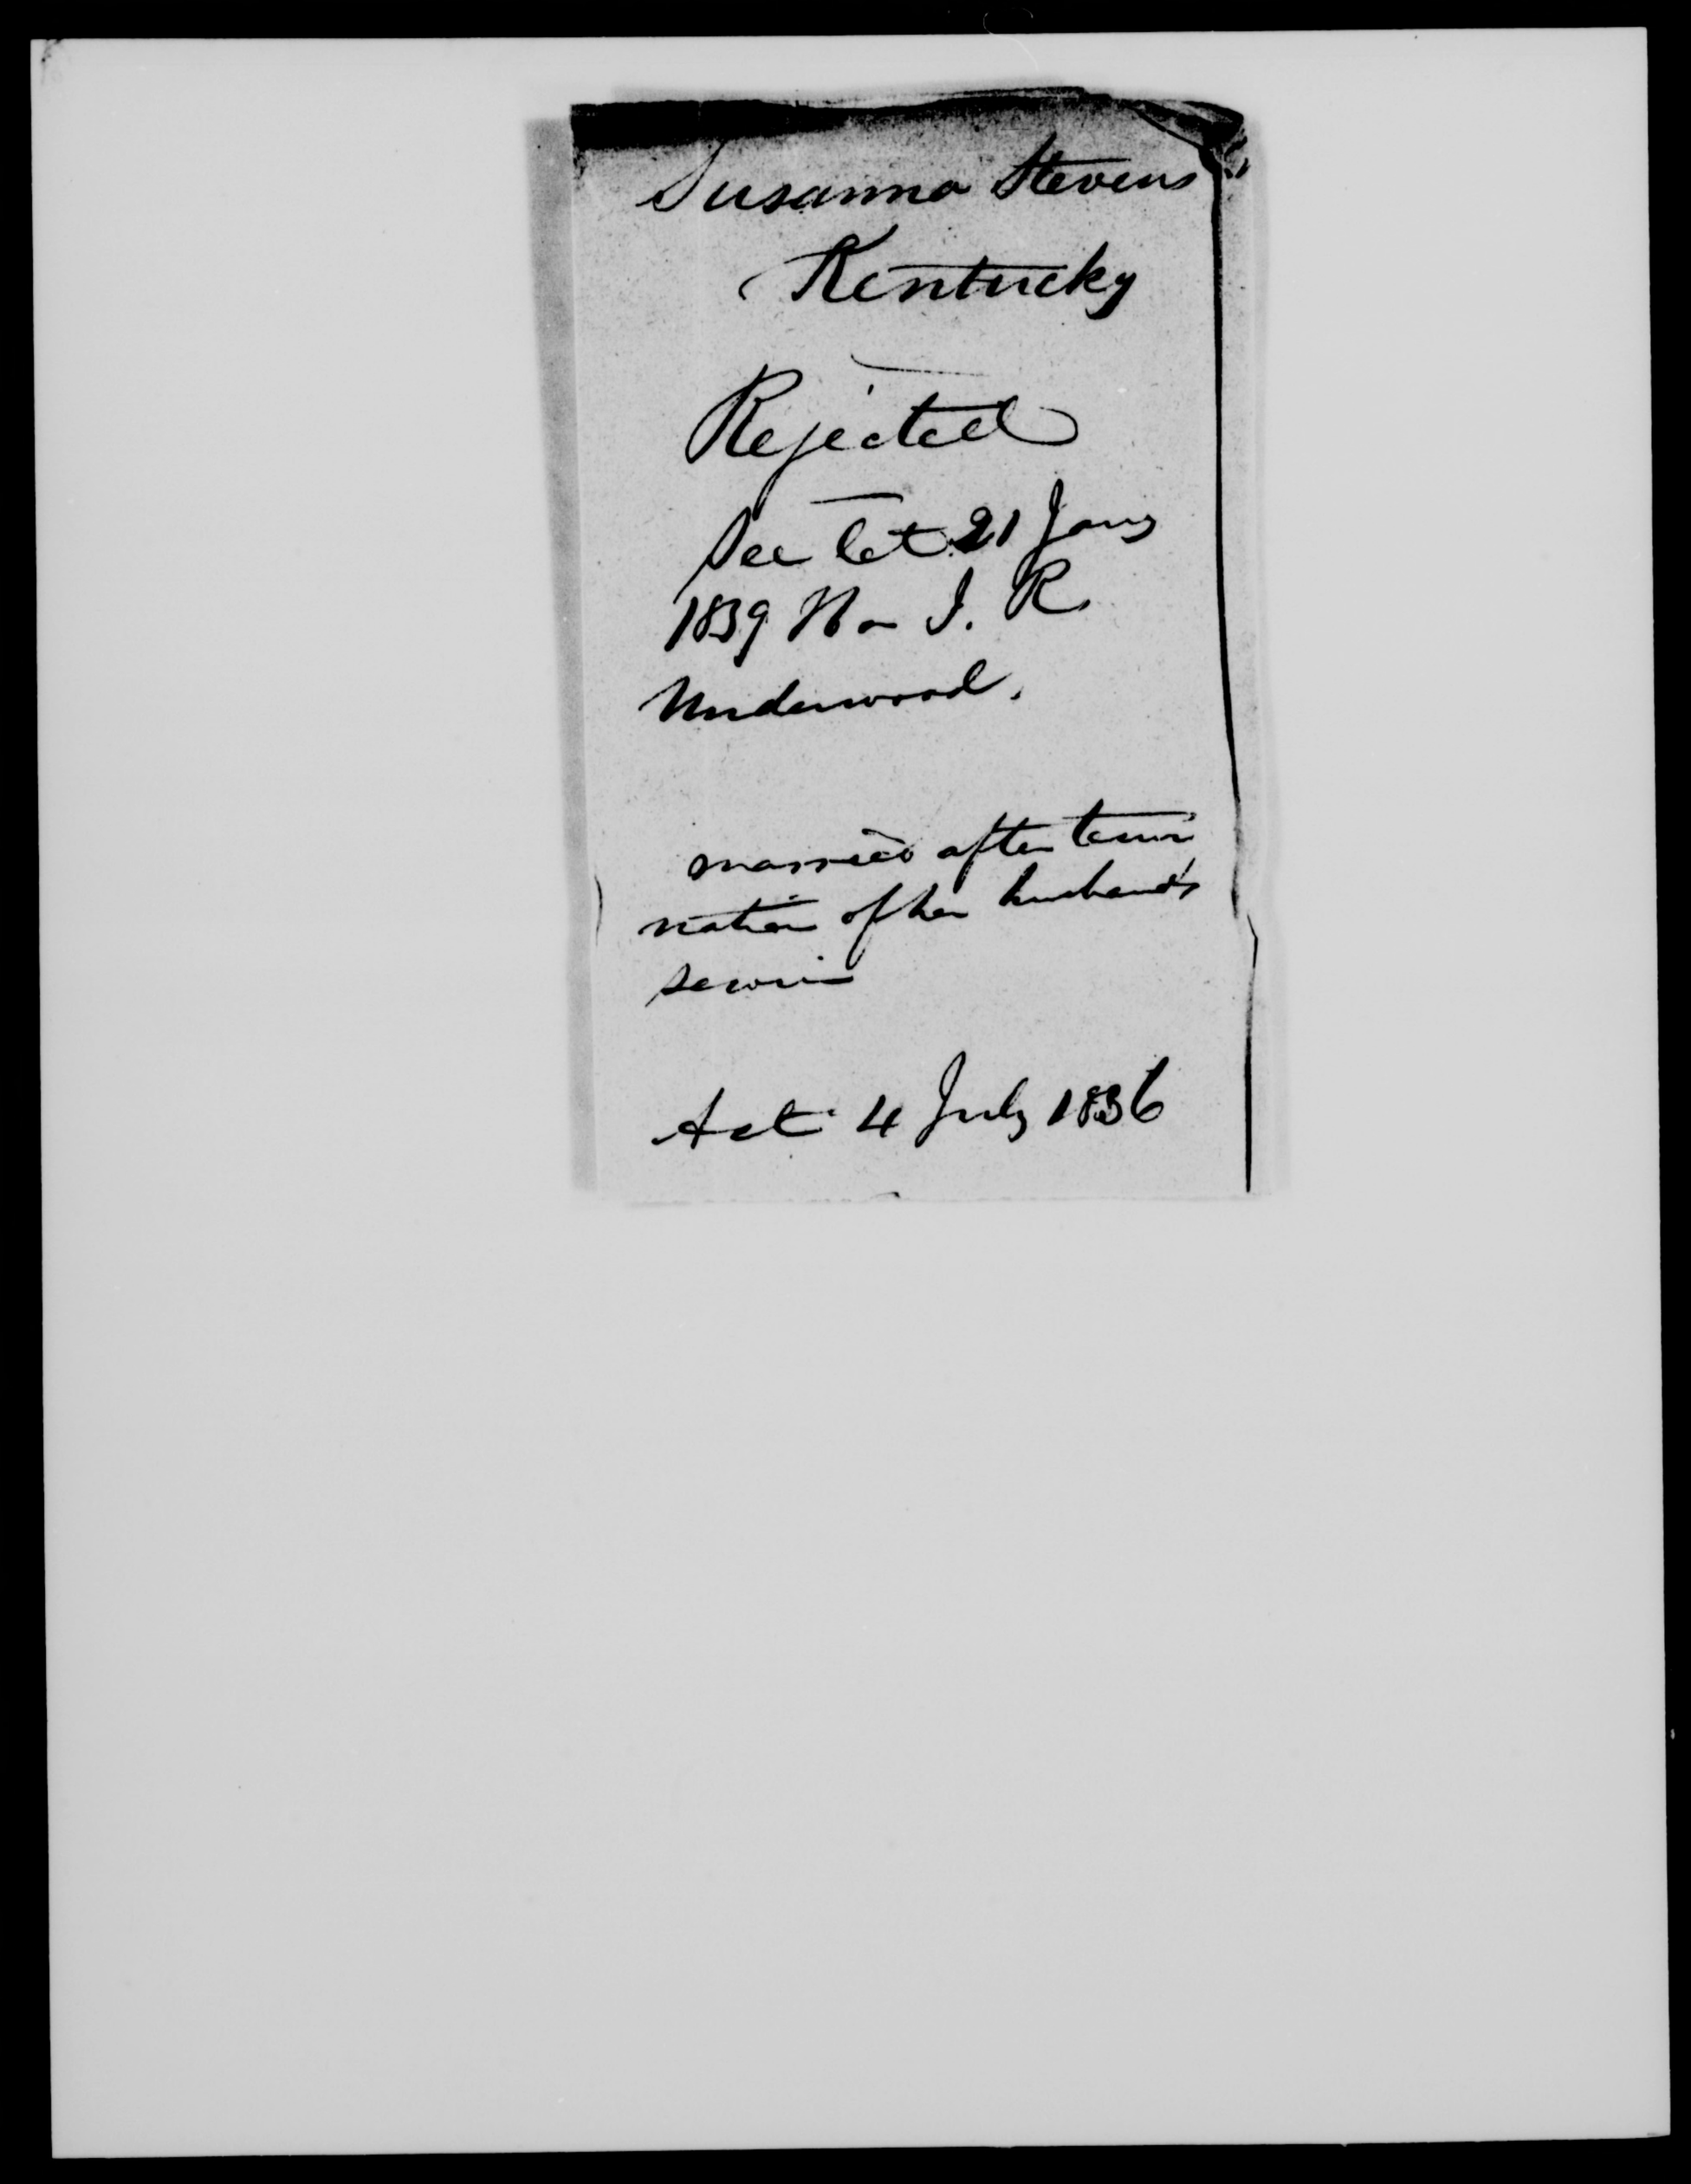Susanna Stevens
Kentucky
Rejected
See let. 21 Jany 1839
Mr J.R. Underwood.
Married after termination of her husband's services
Act 4 July 1836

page: 51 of 99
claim: widow's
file: W 8766, for James Stevens, Virginia